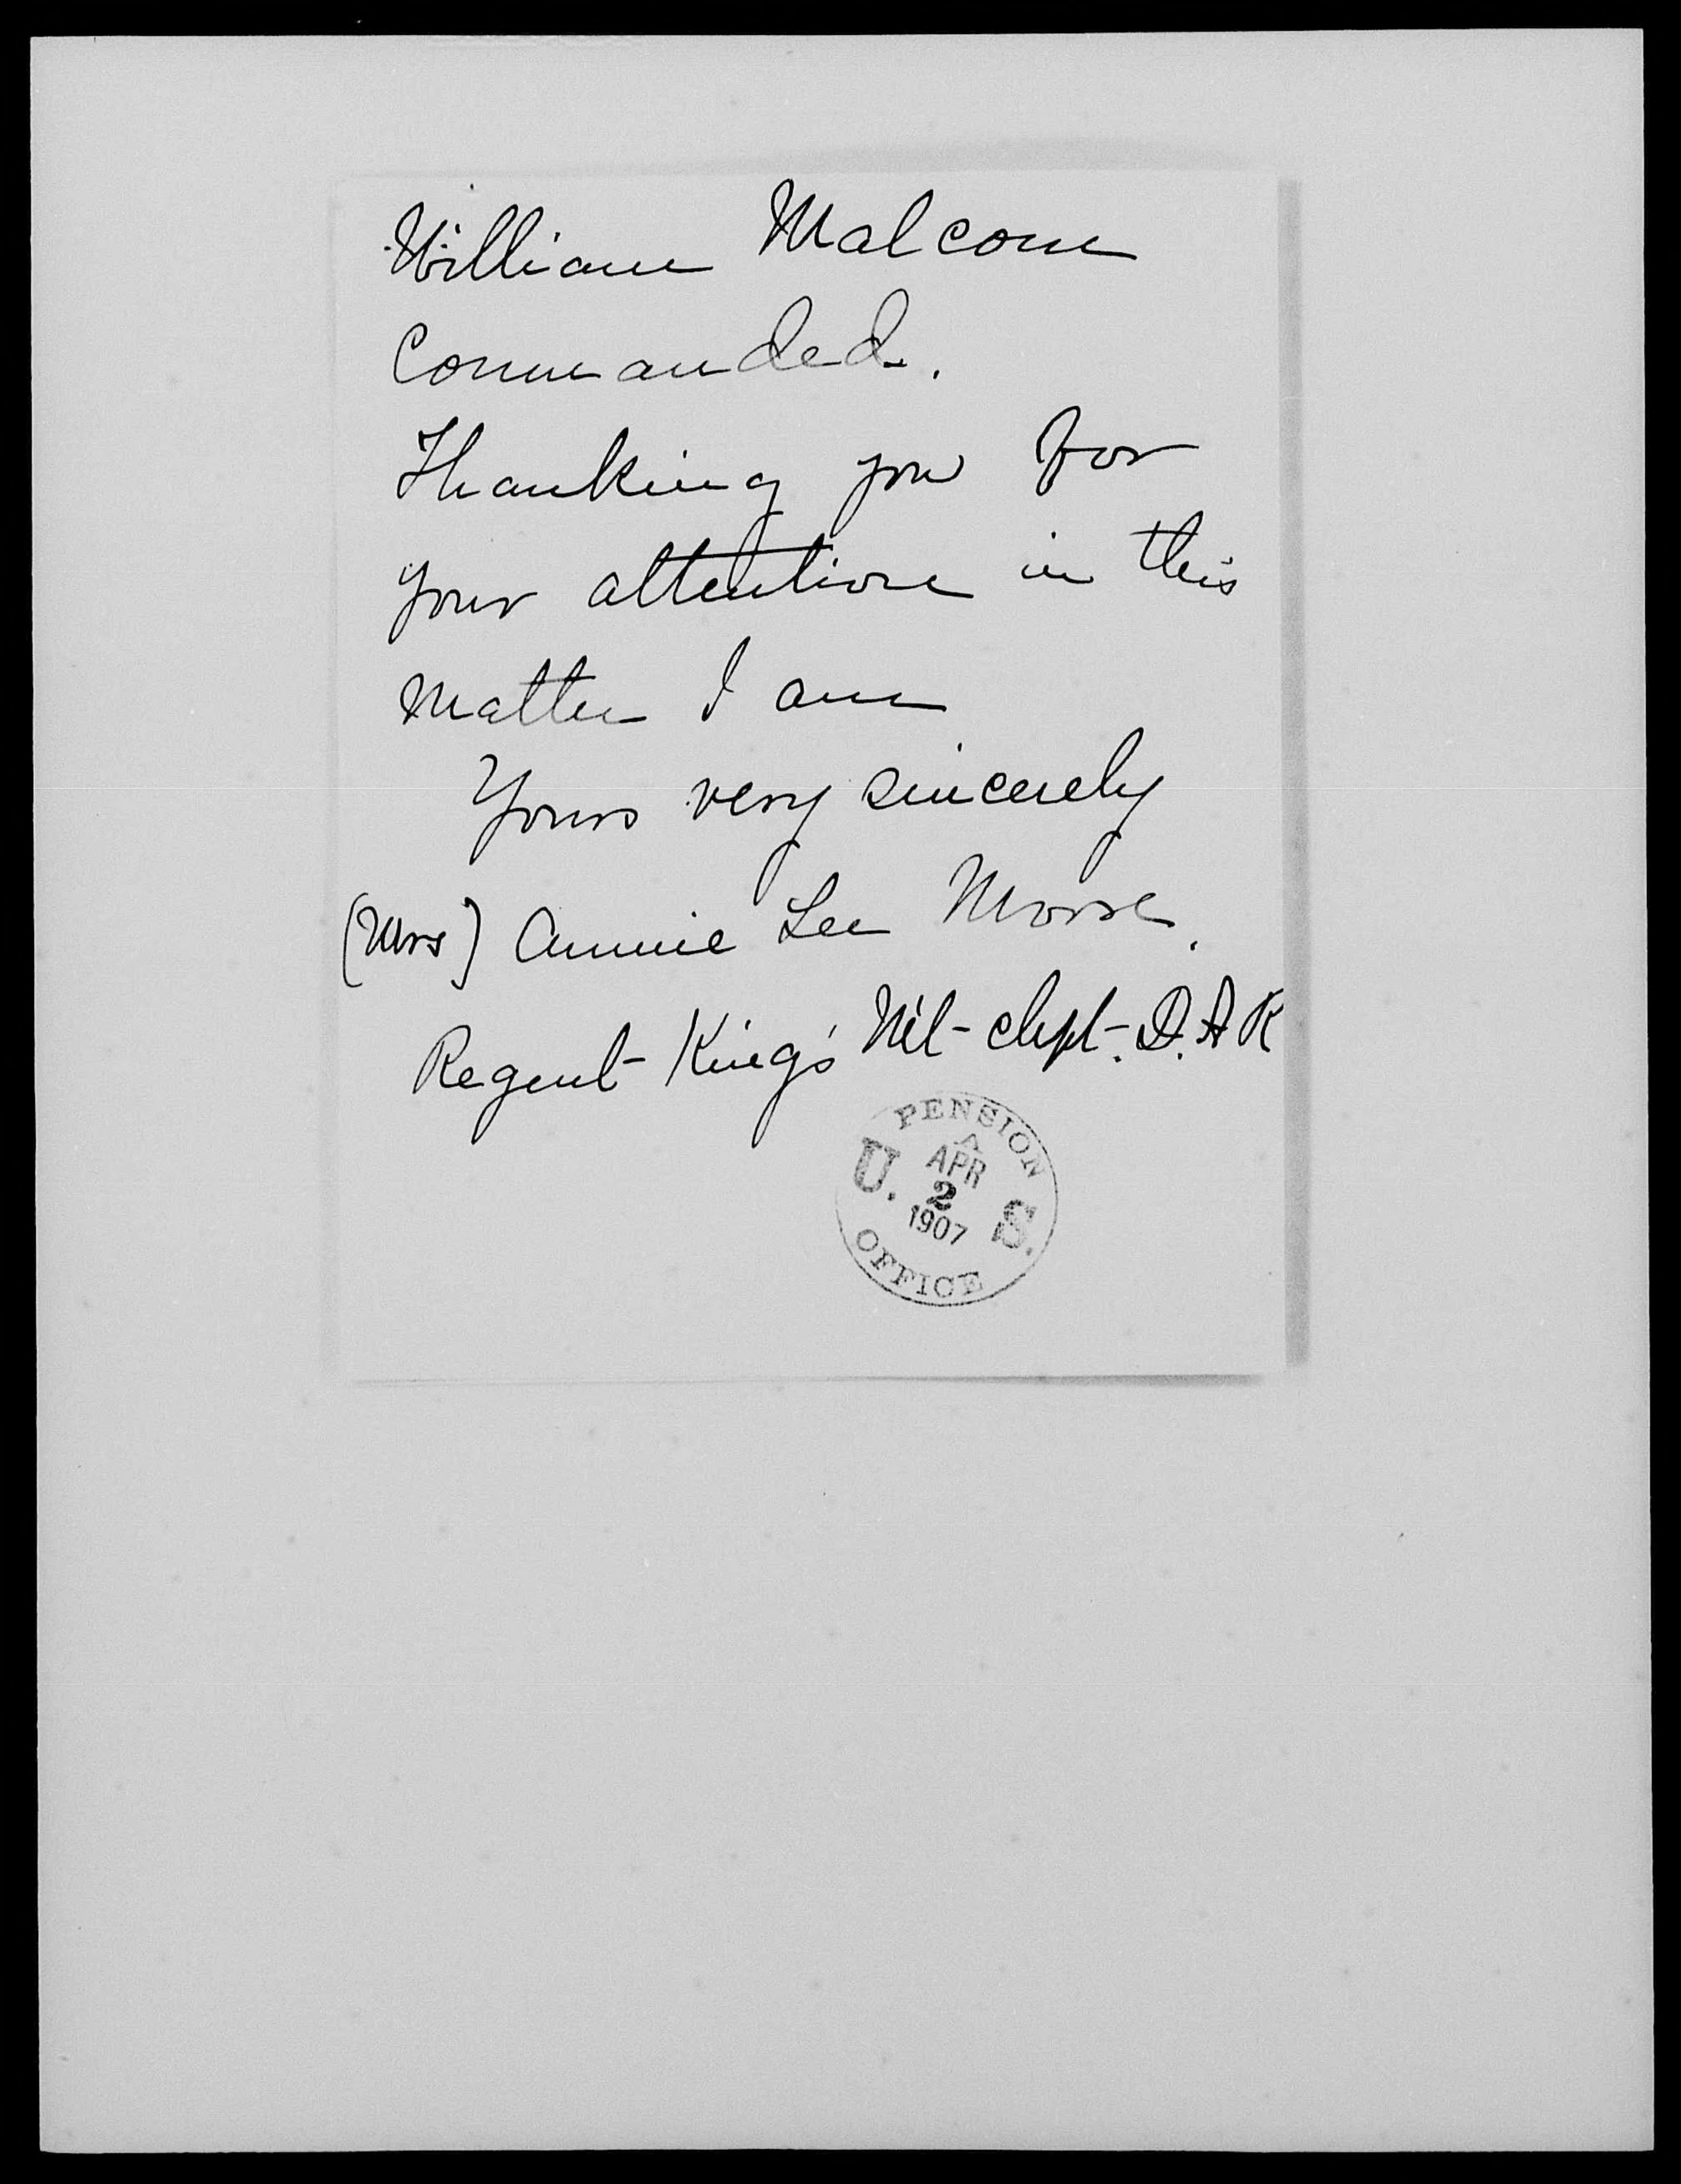William Malcom
commanded.

Thanking you for
Your attention in this 
matter   I am
Yours very sincerely
(Mrs) Annie Lee Moore
Reg[illegible[ -  Kings
[illegible] - chpt - D.A.R.

Stamp:
PENSION
A
APR
2
1907
OFFICE
U.S.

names: Anmie Lee Moore; William Malcom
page: 17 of 17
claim: rejected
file: R 7329, for James More, South Carolina